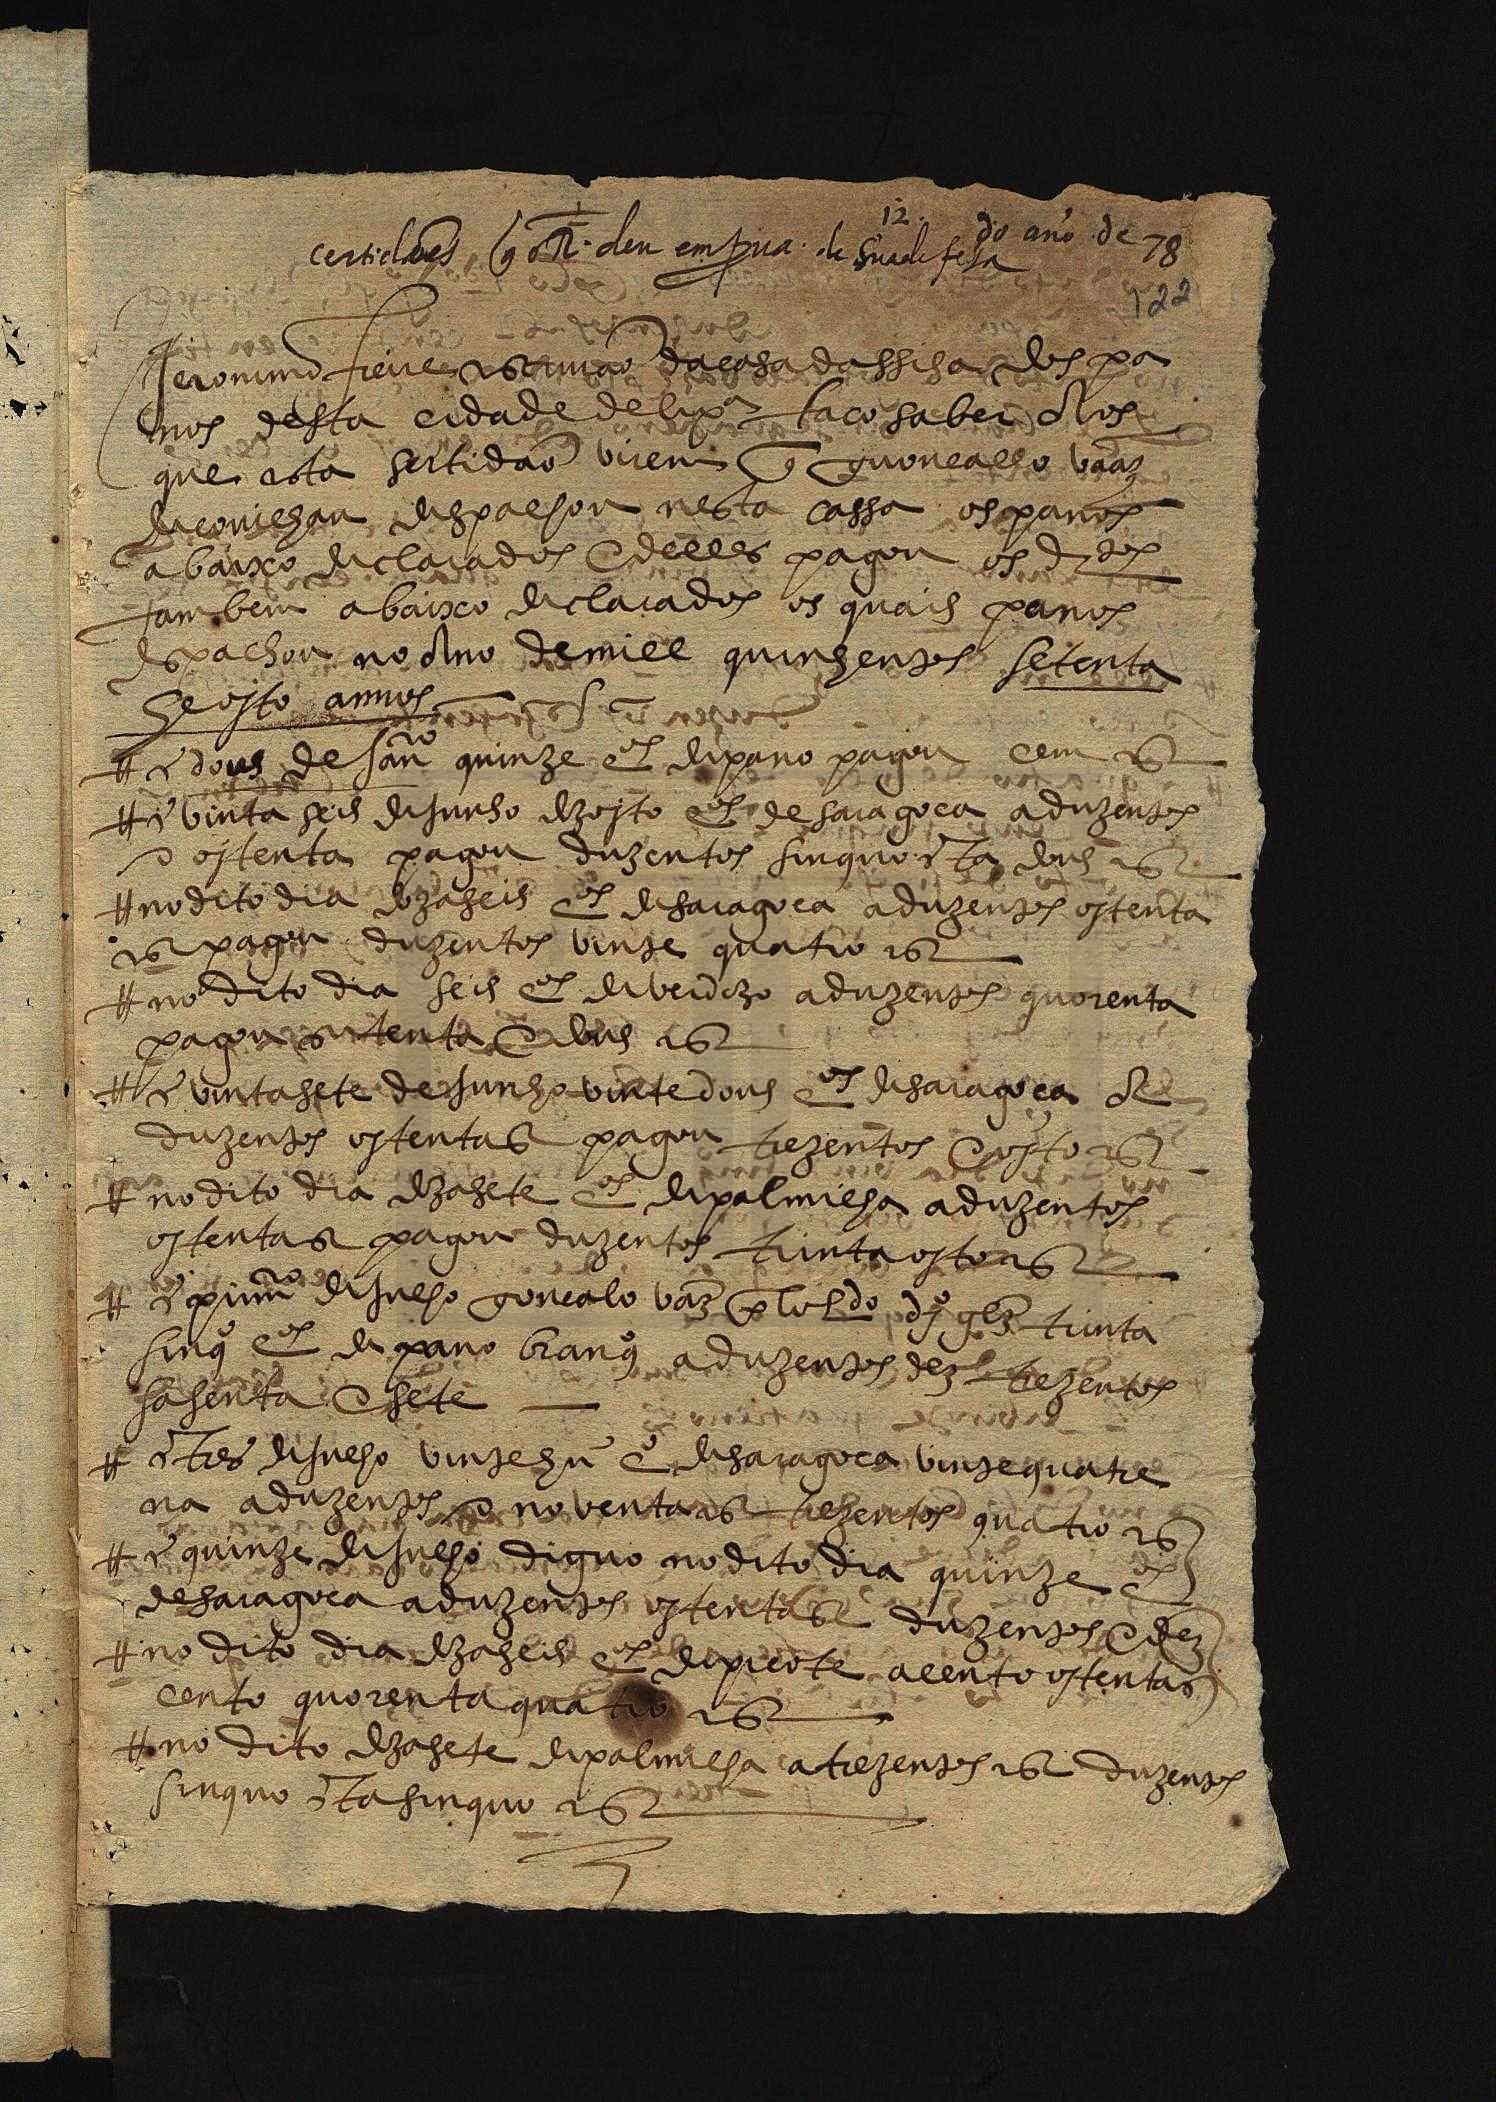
12
certidoẽs q̄ o R. deu em ꝓua de sua defesa
do an̄o de 78
Jeronimo freire escriuaõ da casa da ssisa dos pa
nos desta cidade de lixa faço saber Aos
que esta sertidão virem q̄ guonçallo vaaz
de couilhan despachou nesta cassa os panos
abaixo declarados e delles pagou os drtos
tambem abaixo declarados os quais panos
despachou no Ano de mill quinhentos setenta
he ojto annos
item ē dous de Janro quinze cos de pano pagou cem rs
item ē vinta seis de Junho dezojto cos de saragoça a duzentos
e ojtenta pagou duzentos sinquoēta dous rs
item no dito dia dezaseis cos de saragoça a duzentos ojtenta
rs pagou duzentos vinte quatro rs
item no dito dia seis cos de verdozo a duzentos quorenta
pagou setenta e dous rs
item ē vinta sete de Junho vinte dous cos de saragoça A
duzentos ojtenta rs pagou trezentos e ojto rs
item no dito dia dezasete cos de palmilha a duzentos
ojtentas rs pagou duzentos trinta ojto rs
item ē primro de Julho gonçalo vāz p̄lo Ldo djo glz̄ trinta
sinqo cos de pano branqo a duzentos dez trezentos
sasenta e sete
item ē tres de Julho vinte hū co de saragoça vinte quatre
na a duzentos e noventa rs trezentos quatro rs
item ē quinze de Julho diguo no dito dia quinze cos
de saragoça a duzentos ojtenta rs duzentos e dez
item no dito dia dezaseis com de picote a cento ojtenta rs
cento quorenta quatro rs
item no dito dezasete de palmilha a trezentos rs duzentos
sinquoēta sinquo rs
